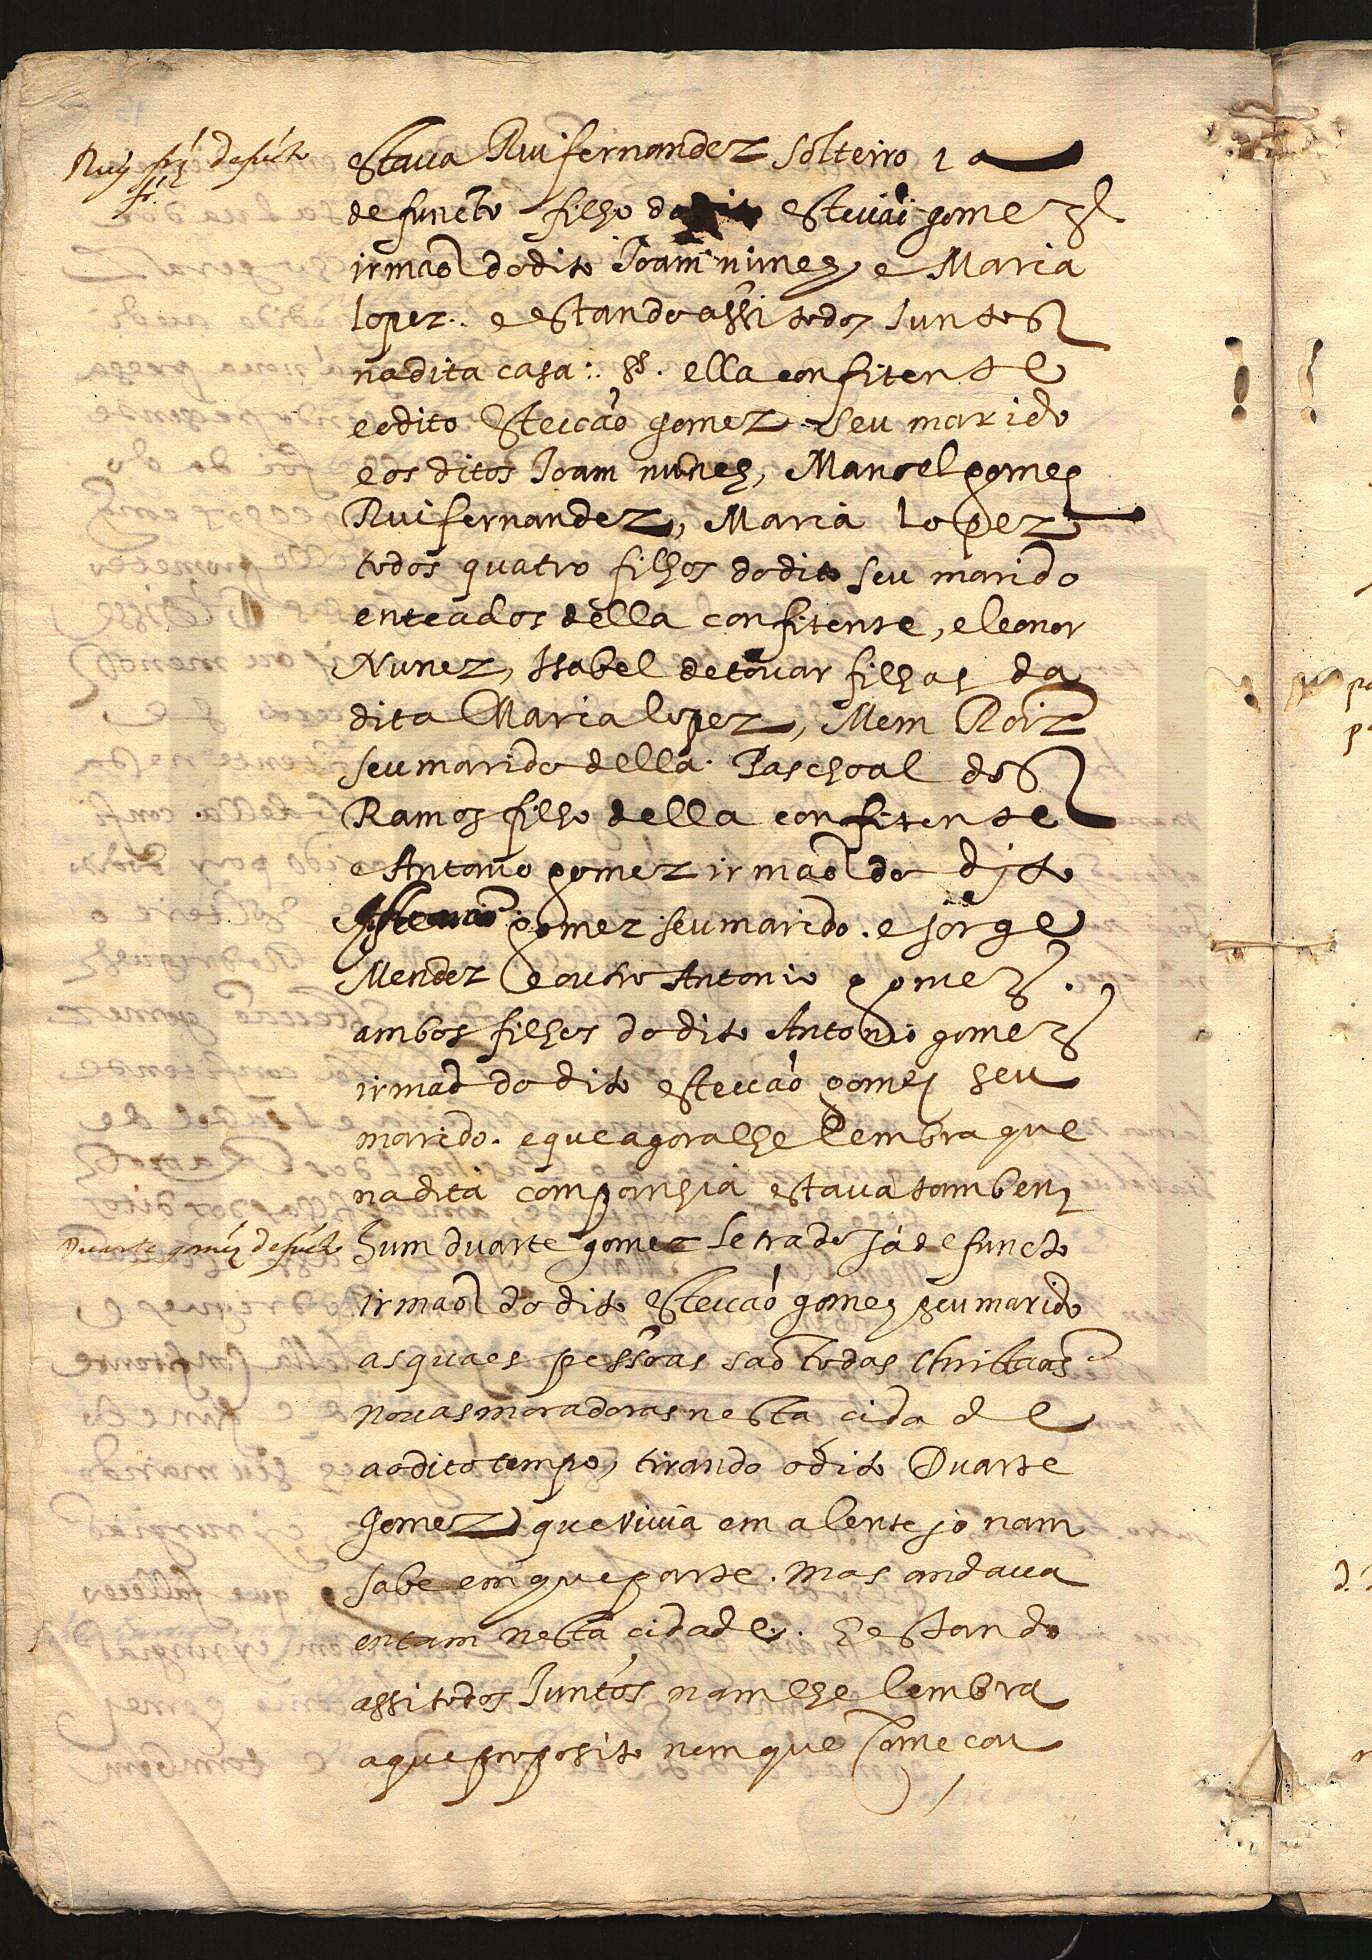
Ruy frz̄ defūcto
fr̄.
Duarte gomēz defūcto
estaua Rui fernandez solteiro ia
defuncto filho do _ esteuaõ gomez e
irmão do dito Ioam nunez e Maria
Lopez e estando ass̄i todos Iuntos
na dita casa .ss. ella confitente
e o dito esteuão gomez seu marido
e os ditos Ioam nunez, Manoel gomez
Rui fernandez, Maria Lopez
todos quatro filhos do dito seu marido
enteados della confitente, e leonor
Nunez, Isabel de touar filhas da
dita Maria lopez, Mem Roīz
seu marido della paschoal dos
Ramos filho della confitente
e Antonio gomez irmaõ do djto
esteuaõ gomez seu marido e jorge
Mendez e outro Antonio gomez
ambos filhos do dito Antonio gomez
irmaõ do dito esteuaõ gomez seu
marido. e que agora lhe lembra que
na dita companhia estaua tambem
hum duarte gomez Letrado Já defuncto
irmaõ do dito esteuaõ gomez seu marido
as quaes pess̄oas saõ todas Christaās
nouas moradoras nesta cidade
ao dito tempo, tirando o dito Duarte
gomez que viuia em alentejo nam
sabe em que parte mas andaua
entam nesta cidade E estando
assi todos Iuntos nam lhe lembra
a que proposito nem quē Começou
